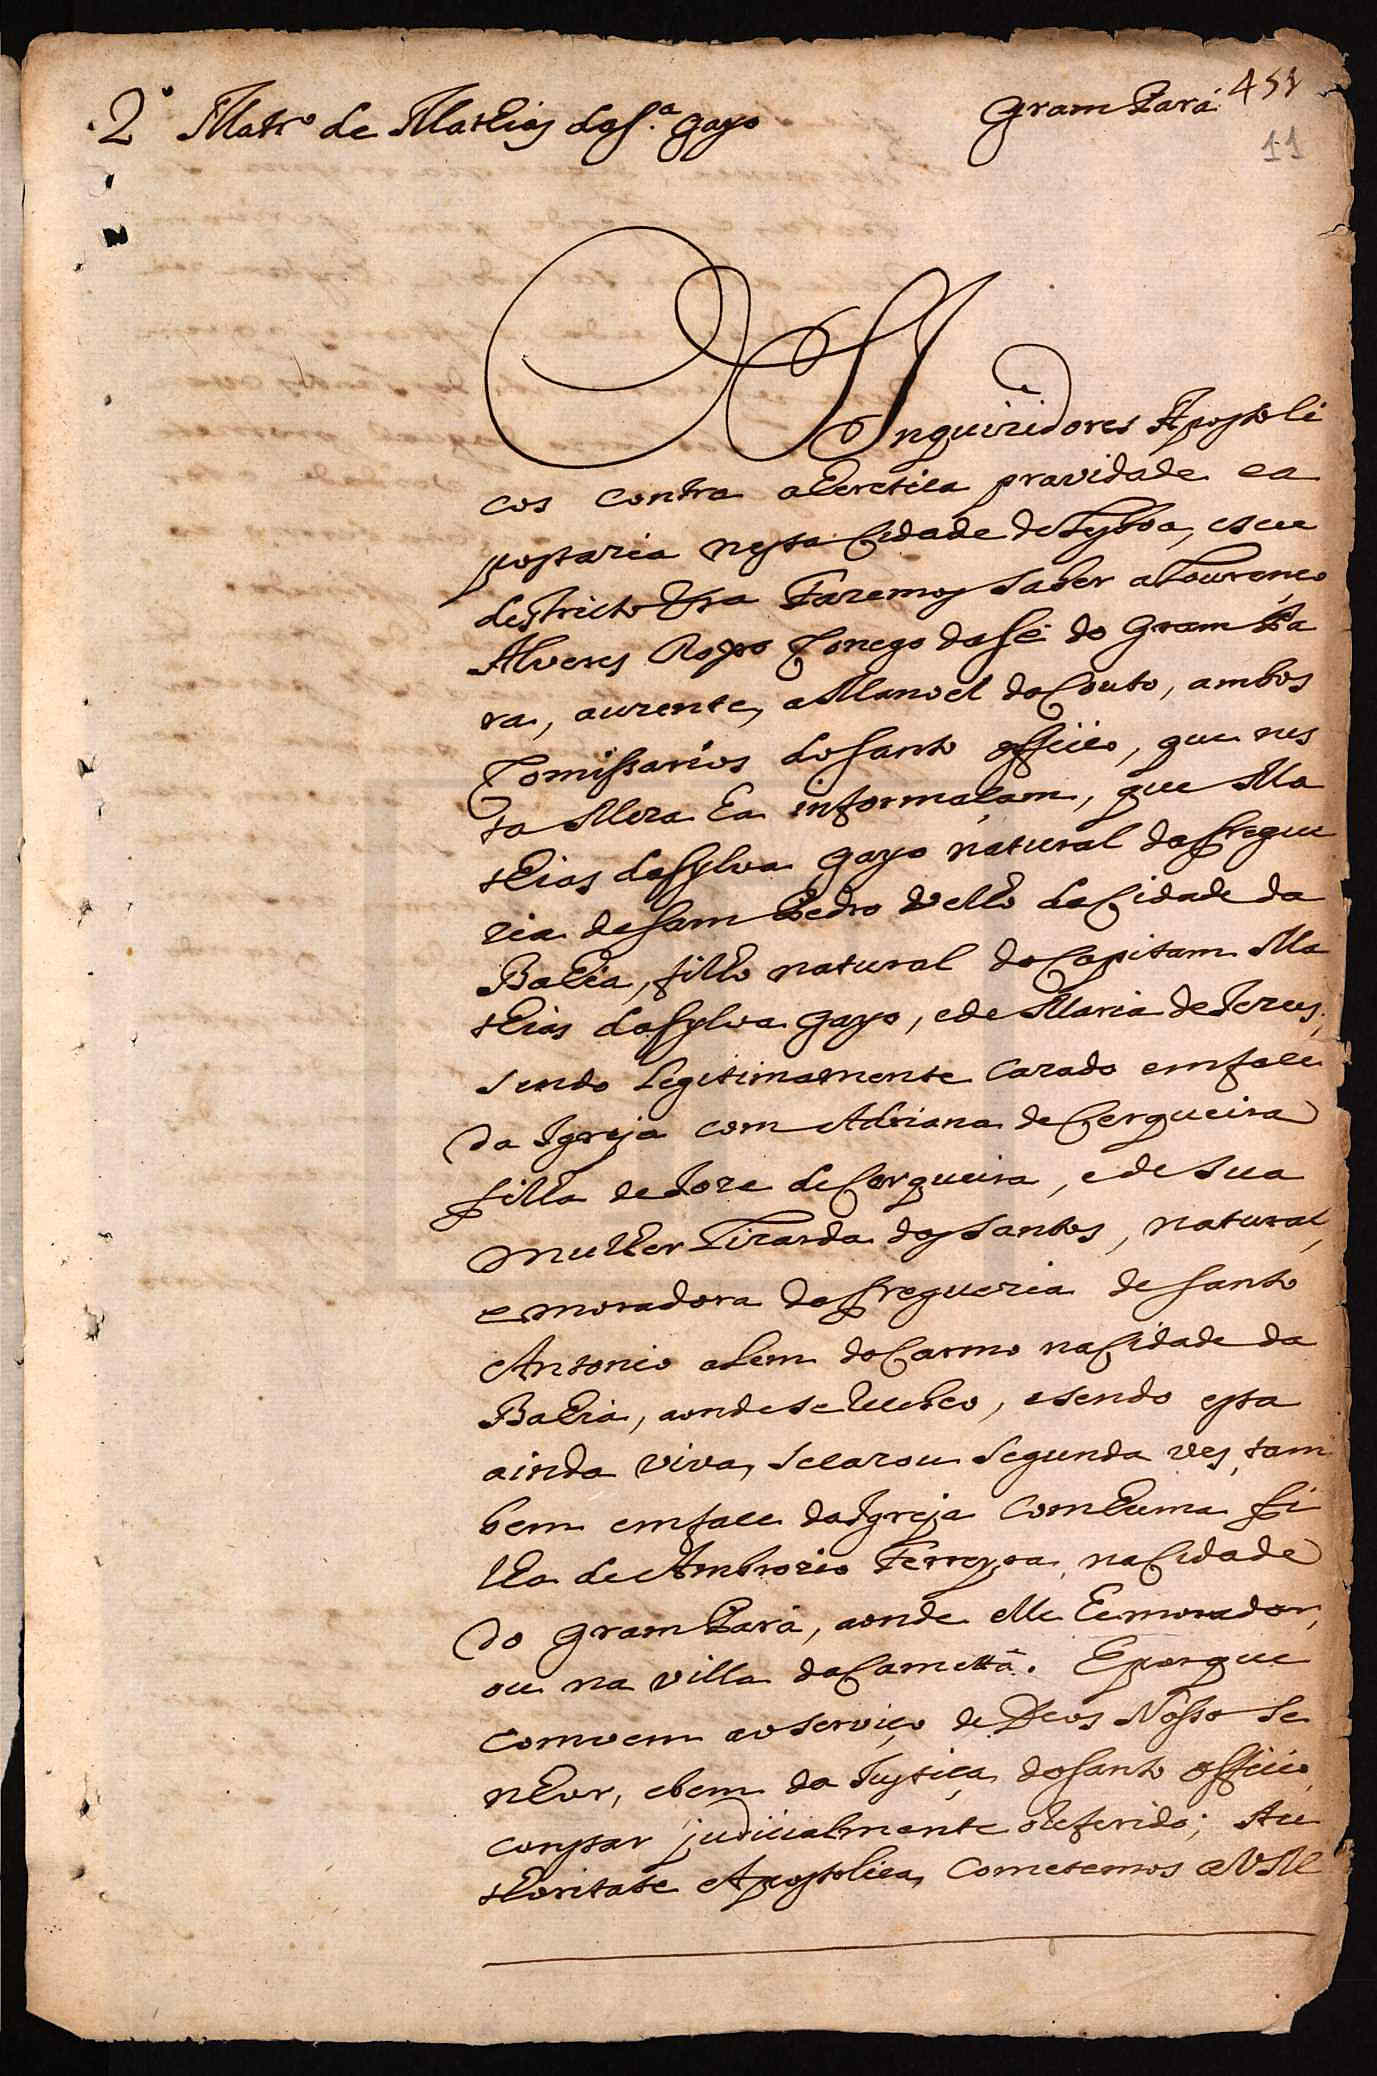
2 Matr.o de Mathias da S.a gayo
Gram Pará
451
Aos Inquizidores Apostoli
cos contra a heretica pravidade e a
postazia nesta Cidade de Lisboa, e seu
destricto &ra Fazemos saber a Lourenço
Alveres Roxo Conego da sé do Gram Pa
ra, auzente, a Manoel do Couto, ambos
Comissarios do santo officio, que nes
ta Meza ha informaçam, que Ma
thias da Sylva gayo natural da fregue
zia de sam Pedro Velho da Cidade da
Bahia, filho natural do Capitam Ma
thias da Sylva gayo, e de Maria de Iezus,
sendo Legitimamente cazado em face
da Igreja com Adriana de Cerqueira
filha de Ioze de Cerqueira, e de sua
mulher Lizarda dos santos, natural
e moradora da freguezia de santo
Antonio alem do Carmo na Cidade da
Bahia, aonde se Recebeo, e sendo esta
ainda viva, se cazou segunda ves, tam
bem em face da Igreja com huma fi
lha de Ambrozio Ferreyra, na Cidade
do gram Pará, aonde elle he morador,
ou na villa da Camettâ. E porque
comvem ao serviço de Deos Nosso se
nhor, e bem da Iustiça do santo officio
constar judicialmente o Referido; Au
thoritate Apostolica, cometemos a VM
